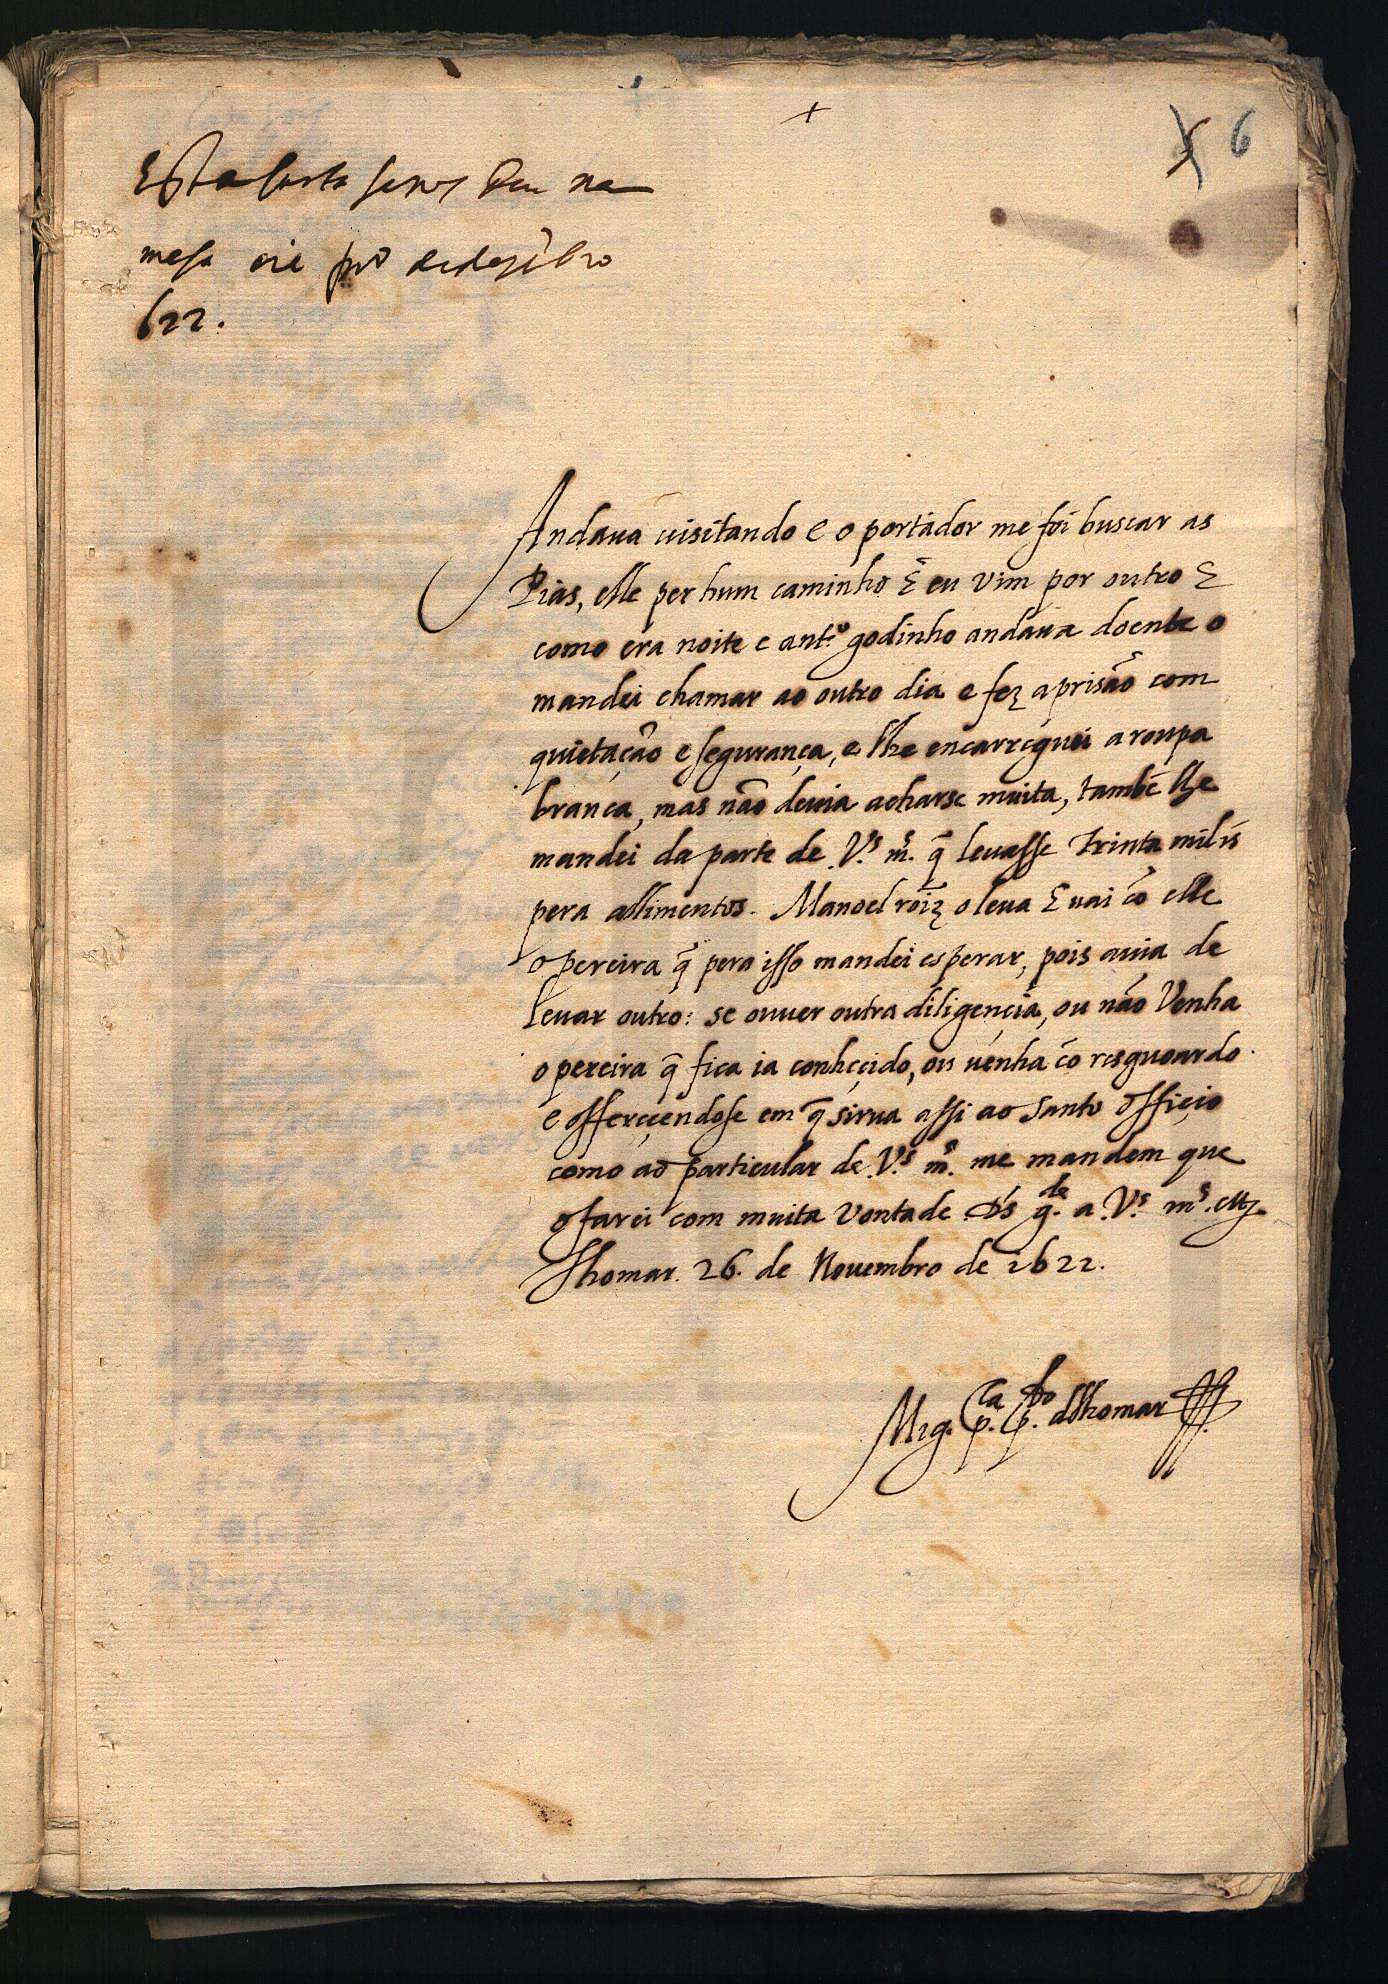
Esta carta se nos deu na
mesa oie pro de dezēbro
622.
Andaua uisitando e o portador me foi buscar as
Pias, elle per hum caminho E eu vim por outro E
como era noite e anto godinho andaua doente o
mandei chamar ao outro dia e fez a prisão com
quietação e segurança, e lhe encarreguei a roupa
branca, mas não deuia acharse muita, tambē lhe
mandei da parte de V.s m.s q̄ leuasse trinta mil rs̄
pera allimentos. Manoel roīz o leua E uai cō elle
o pereira q̄ pera isso mandei esperar, pois auia de
leuar outro: se ouuer outra diligencia, ou não Venha
o pereira q̄ fica ia conhecido, ou uenha cō resguoardo
e offerecendose em q̄ sirua assi ao santo officio
como ao particular de V.s m.s me mandem que
o farei com muita vontade Ds̄ g.de a V.s m.s ettꝭ
Thomar. 26. de Nouembro de 1622.
Mig. p.ra p.do d thomar
